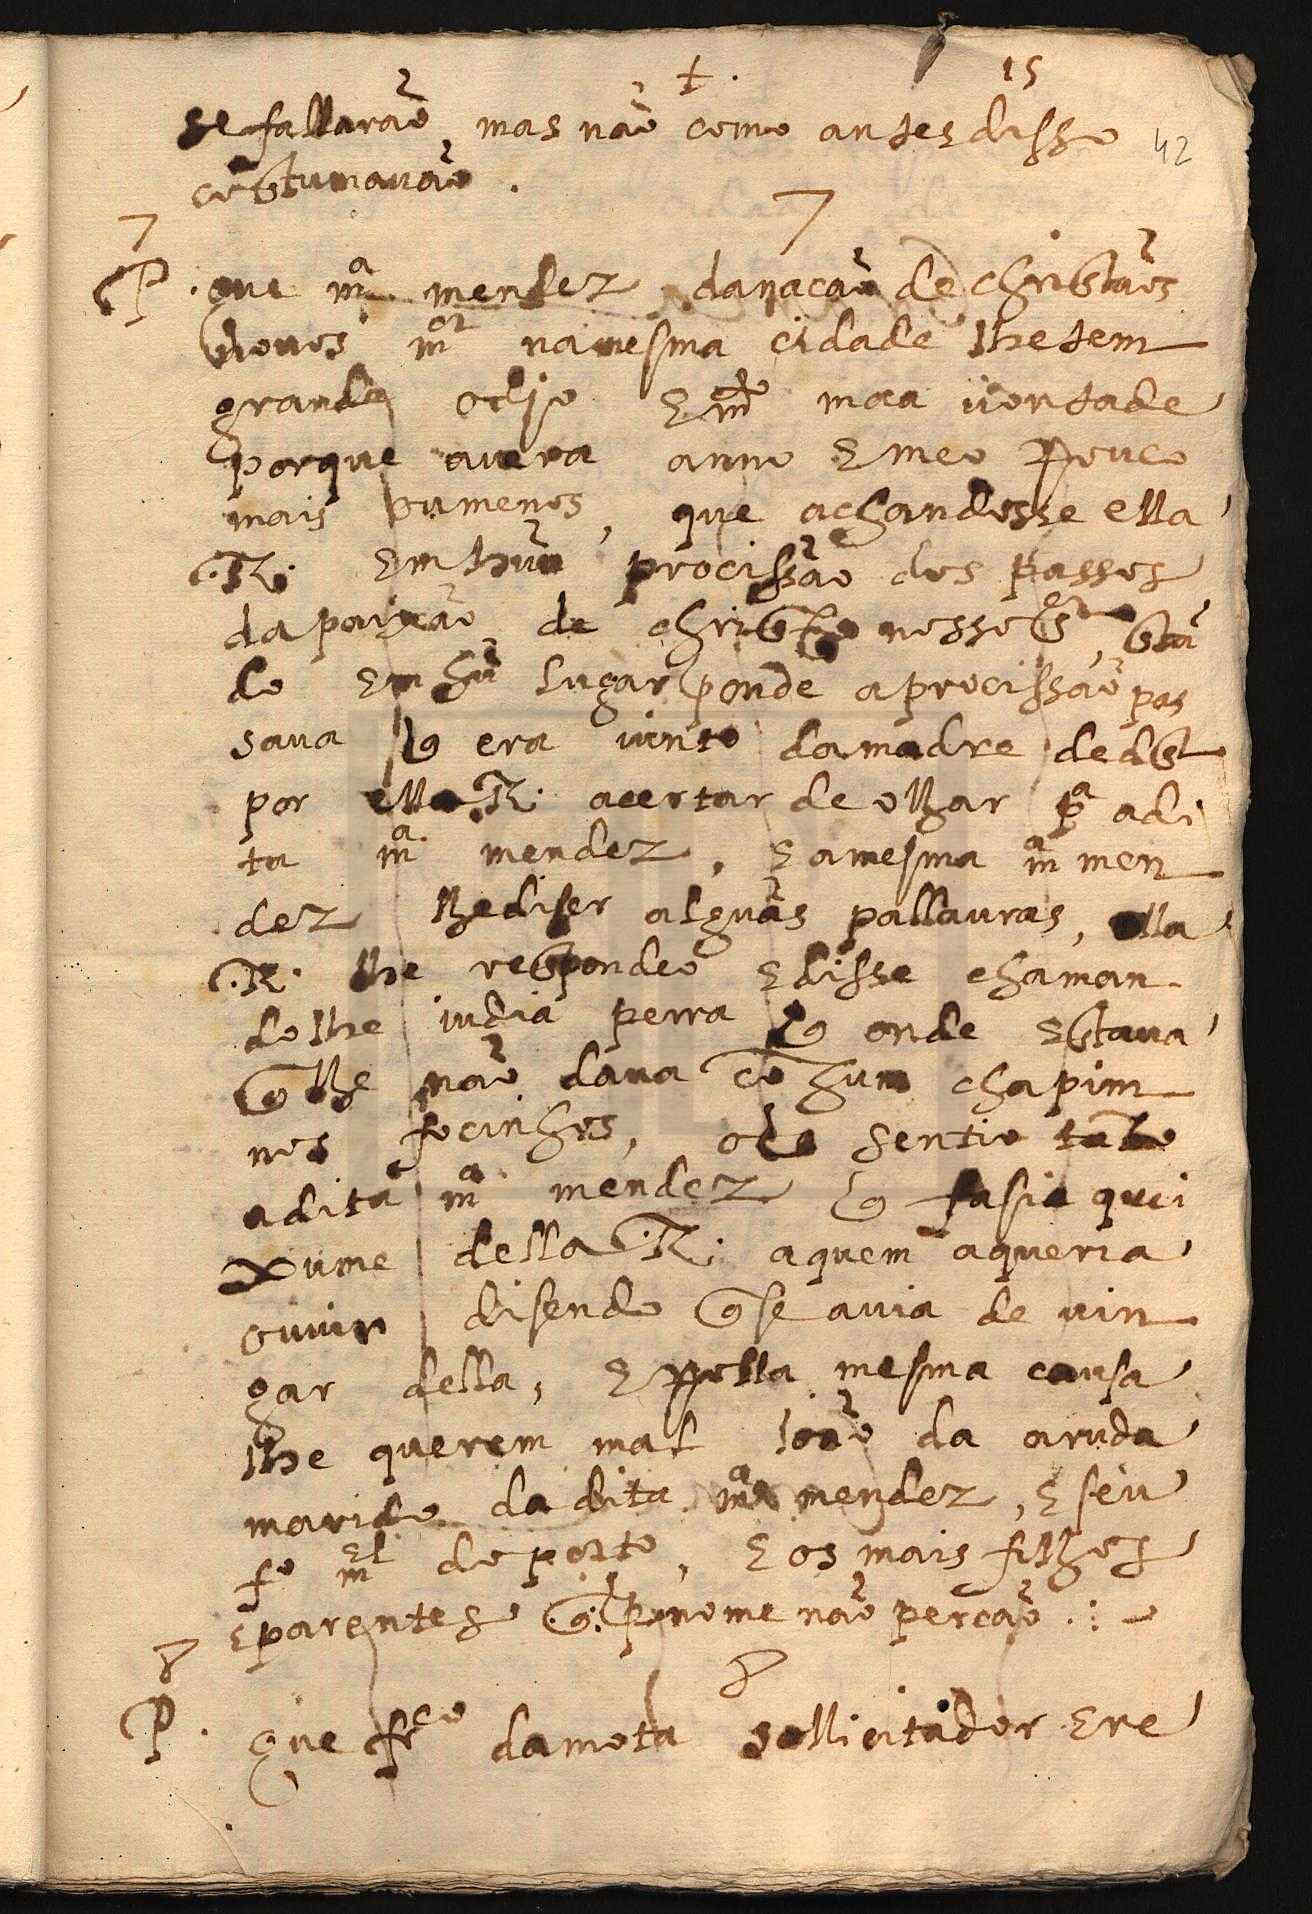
15
se fallarão mas não como antes disso
costumauaõ.
7
P. que ma mendez da naçaõ de christaõs
nouos mor na mesma cidade lhe tem
grande odjo E mto maa uontade
porque auera anno E meo pouco
mais ou menos que achandosse ella
R. Em huā procissão dos passos
da paixão de christo nosso sor estā
do Em hū Lugar p̄ onde a procissaõ pas
saua q̄ era iunto da madre de ds̄
por ella .R. acertar de olhar pa a di
ta ma mendez, E a mesma ma men
dez lhe diser alguās pallauras, _lla
.R. lhe respondeo E disse chaman
dolhe iudia perra q̄ onde Estaua
q̄ lhe naõ daua c̄o hum chapim
nos focinhos, o ho sentio tāto
a dita ma mendez q̄ fasia quei
xume della .R. a quem a queria
ouuir disendo q̄ se auia de uin
gar della, E polla mesma causa
lhe querem mal Ioaõ da aruda
marido da dita ma mendez, E seu
fo mEl do porto, E os mais filhos
E parentes q̄ p̄ nome naõ percaõ
8
P. que frco da mota sollicitador E re
